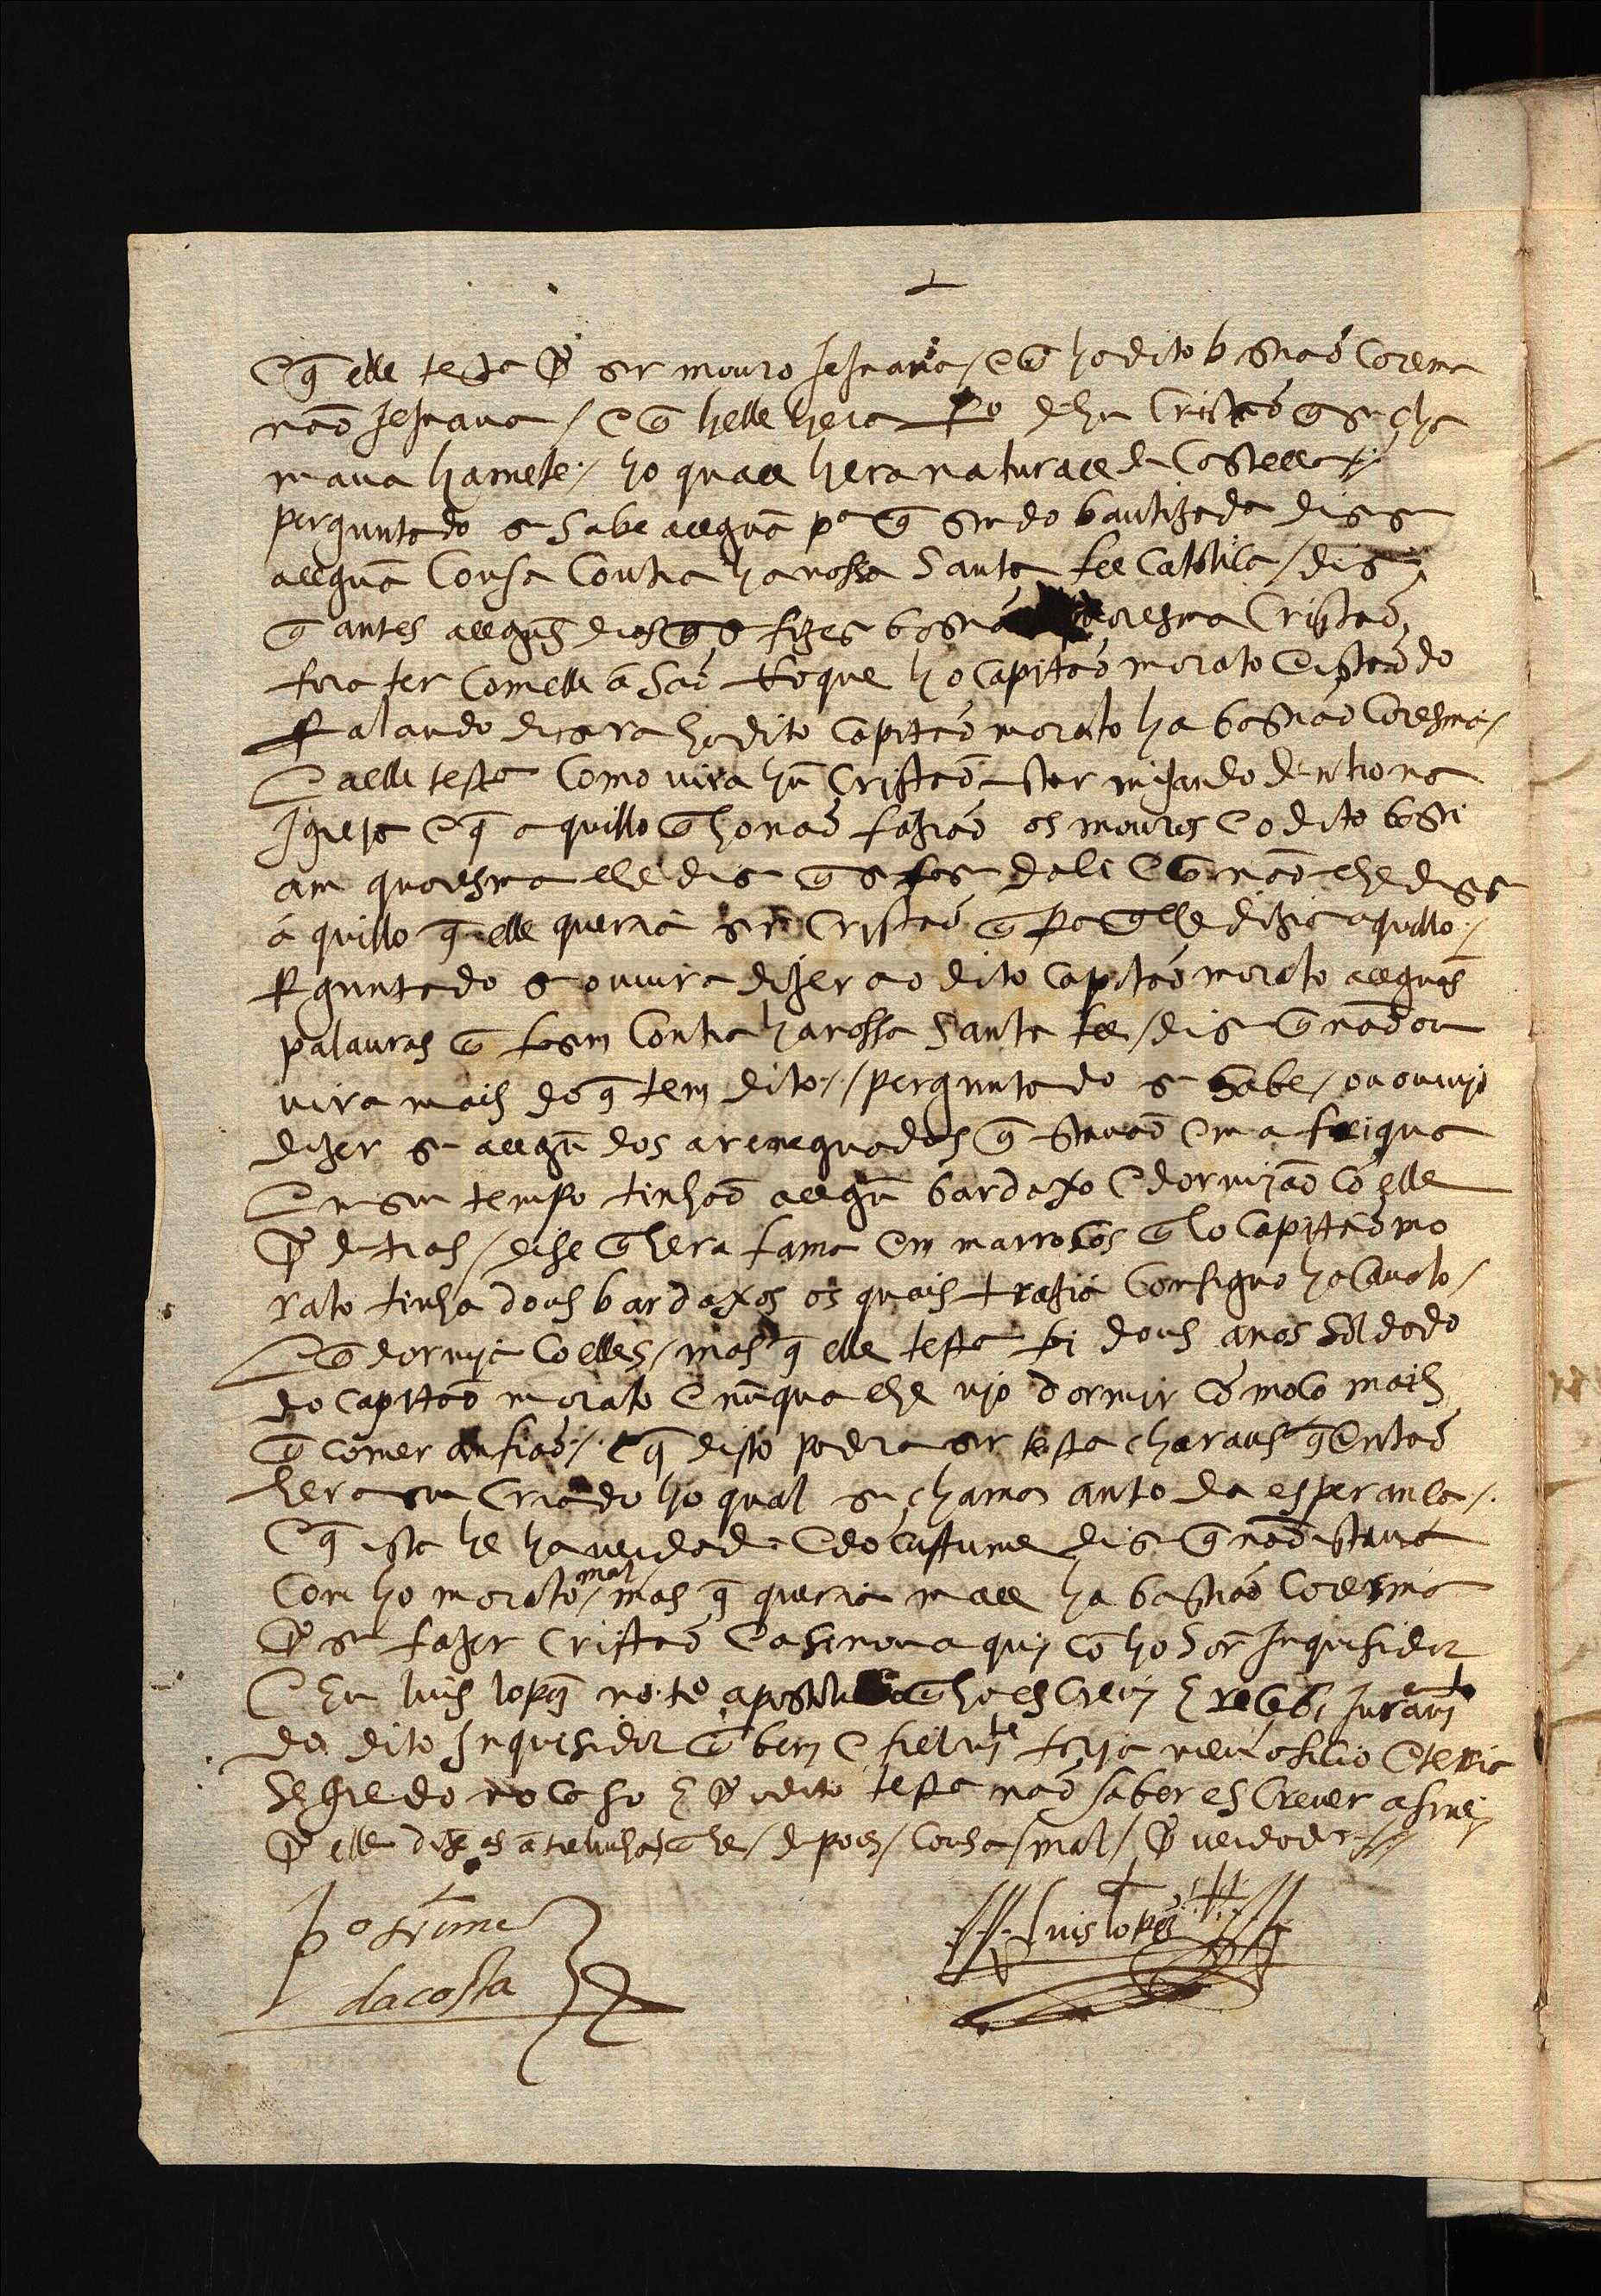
e q̄ elle testa p̄o ser mouro JeJuaua / e q̄ ho dito bastiaõ corema
não JeJuaua / e q̄ helle hera fo de hu Cristaõ q̄ se cha
maua hamete ./ E o quall hera naturall de Castella //
perguntado se sabe allguā pa q̄ sendo bautizada disese
allguā Cousa Contra ha nossa santa fee Catolica / dise
q̄ antes allgūs dias q̄ o fizese bastia_ coresma Cristaõ
fora ter com elle a saõ Roque ho Capitaõ morato e estādo
falando dissera ho dito capitaõ morato ha bastiaõ coresma /
e a elle testa Como uira hū Cristaõ estar miJando dentro na
Jgreja e q̅ aquillo q̅ ho naõ faziaõ os mouros e o dito basti
am quaresma lhe dise q̅ se fose dali e q̄ não lhe disse
áquillo q̄ elle queria ser cristaõ q̄ ꝑa q̄ lhe dizia aquillo ./
ꝑguntado se ouuira dizer ao dito capitão morato allguas̄
palauras q̅ fosem Contra ha nossa Santa fee / dise q̅ não ou
uira mais do q̄ tem dito // perguntado se sabe / ou ouujo
dizer se allgū dos areneguados q̄ estauaõ em afriqua
e no seu tempo tinhaõ allgū bardaxo e dormjão cō elle
p̄o detras / dise q̅ hera fama em marrocos q̅ ho Capitaõ mo
rato tinha dous bardaxos os quais trazia Comsiguo ha caualo /
e q̄ dormja co elles / mas q̄ elle testa foi dous anos soldado
do capitão morato e nūqua lhe ujo dormir cō moço mais
q̄ comer anfiaõ ./. e q̄ disto podera ser testa charaus q̄ entaõ
hera seu Criado ho qual se chama anto da esperança /.
e q̄ esta he ha uerdade e do custume dise q̄ não estaua
com ho morato /
mal
mas q̄ queria mall ha bastiaõ coresma
p̄o se fazer cristaõ e asinou aquj co̅ ho sor̄ Jnquisidor
e Eu luis lopēz notro apostoli_o q̄ ho escrevj E recebi Juramto
do dito Jnquisidor q̄ bem e fielmte fazja meu oficio e teria
segredo no caso E p̄o o dito testa naõ saber esCreuer asinej
p̄o elle dise as ātrelinhas q̄ he / depois / cousa / mal / p̄o uerdade ///
